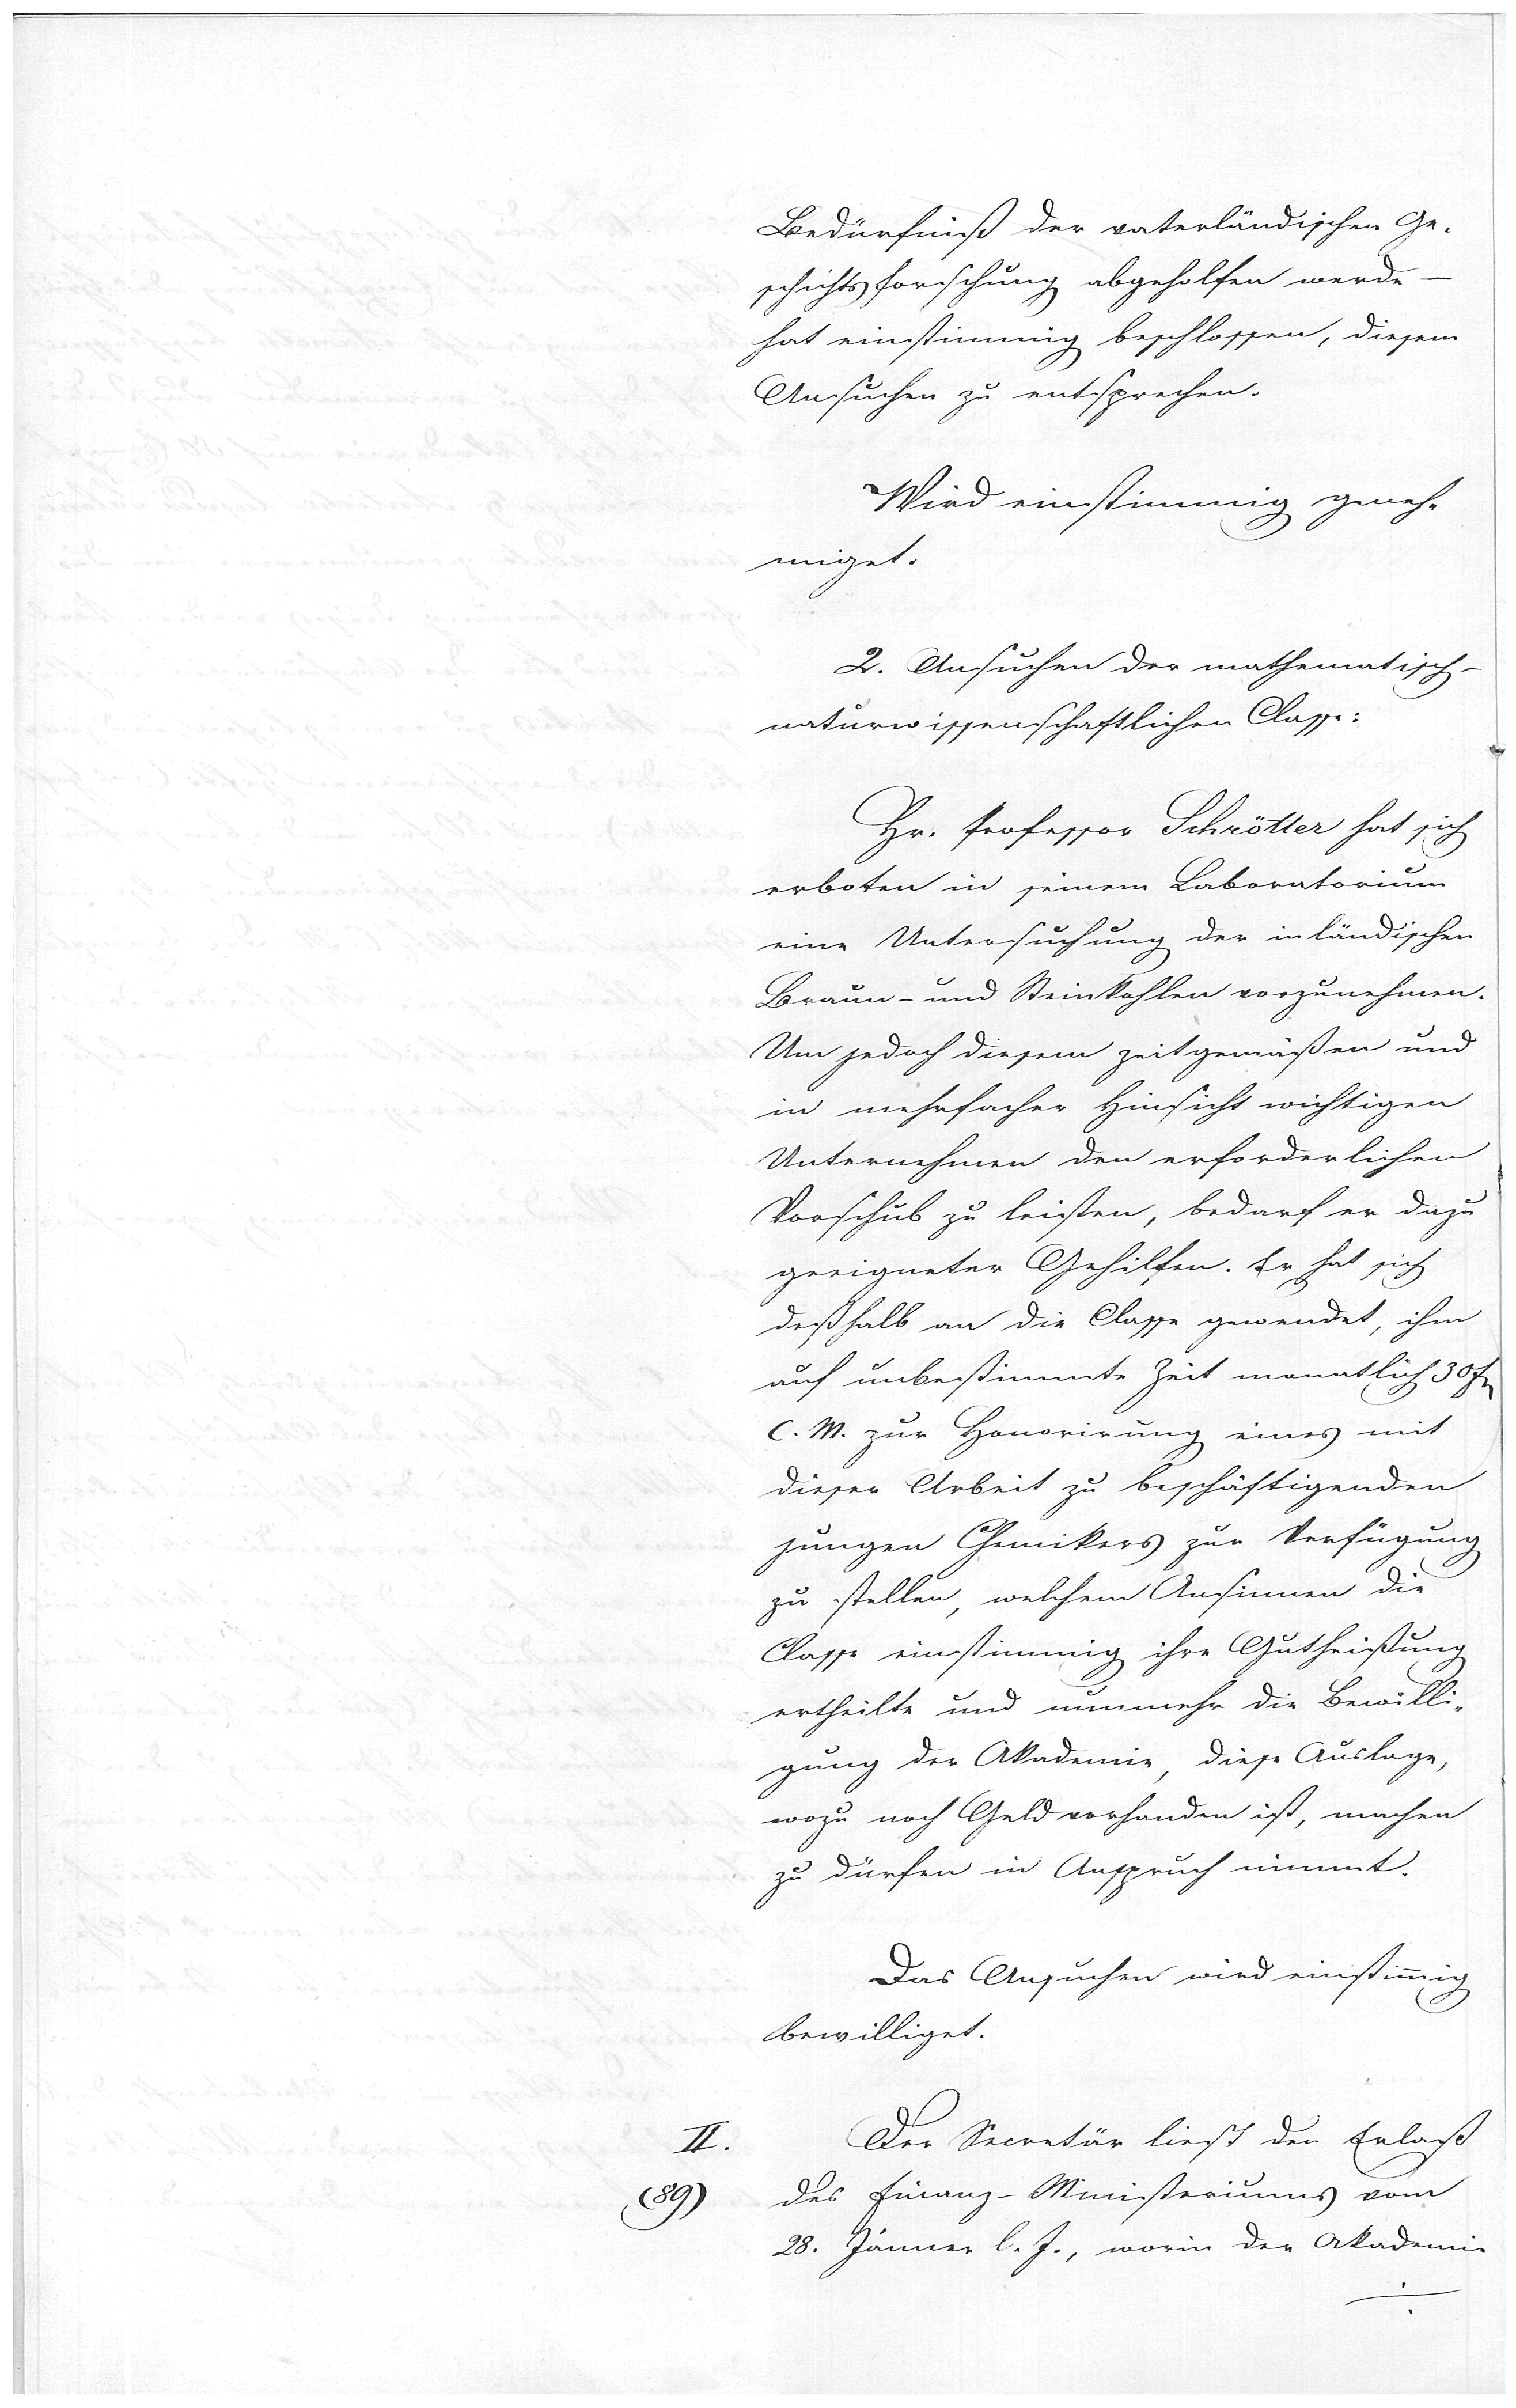Bedürfniß der vaterländischen Ge
schichtsforschung abgeholfen werde -
hat einstimmig beschlossen, diesem
Ansuchen zu entsprechen.
Wird einstimmig geneh-
miget.
2. Ansuchen der mathematisch-
naturwissenschaftlichen Classe:
Hr. Professor Schrötter hat sich
erbeten in seinem Laboratorium
eine Untersuchung der inländischen
Braun- und Steinkohlen vorzunehmen.
Um jedoch diesem zeitgemäßen und
in mehrfacher Hinsicht wichtigen
Unternehmen den erforderlichen
Vorschub zu leisten, bedarf er dazu
geeigneter Gehilfen. Er hat sich
deßhalb an die Classe gewendet, ihm
auf unbestimmte Zeit monatlich 30 fl
C. W. zur Honorirung eines mit
dieser Arbeit zu beschäftigenden
jungen Chemikers zur Verfügung
zu stellen, welchem Ansinen die
Classe einstimmig ihre Gutheißung
ertheilte und nunmehr die Bewilli-
gung der Akademie, diese Auslage,
wozu noch Geld vorhanden ist, machen
zu dürfen in Anspruch nimmt.
Das Ansuchen wird einstimmig
bewilliget.
Der Secretär liest den Erlaß
des Finanz-Ministeriums vom
28. Jänner l. J., worin der Akademie
II.
(89)